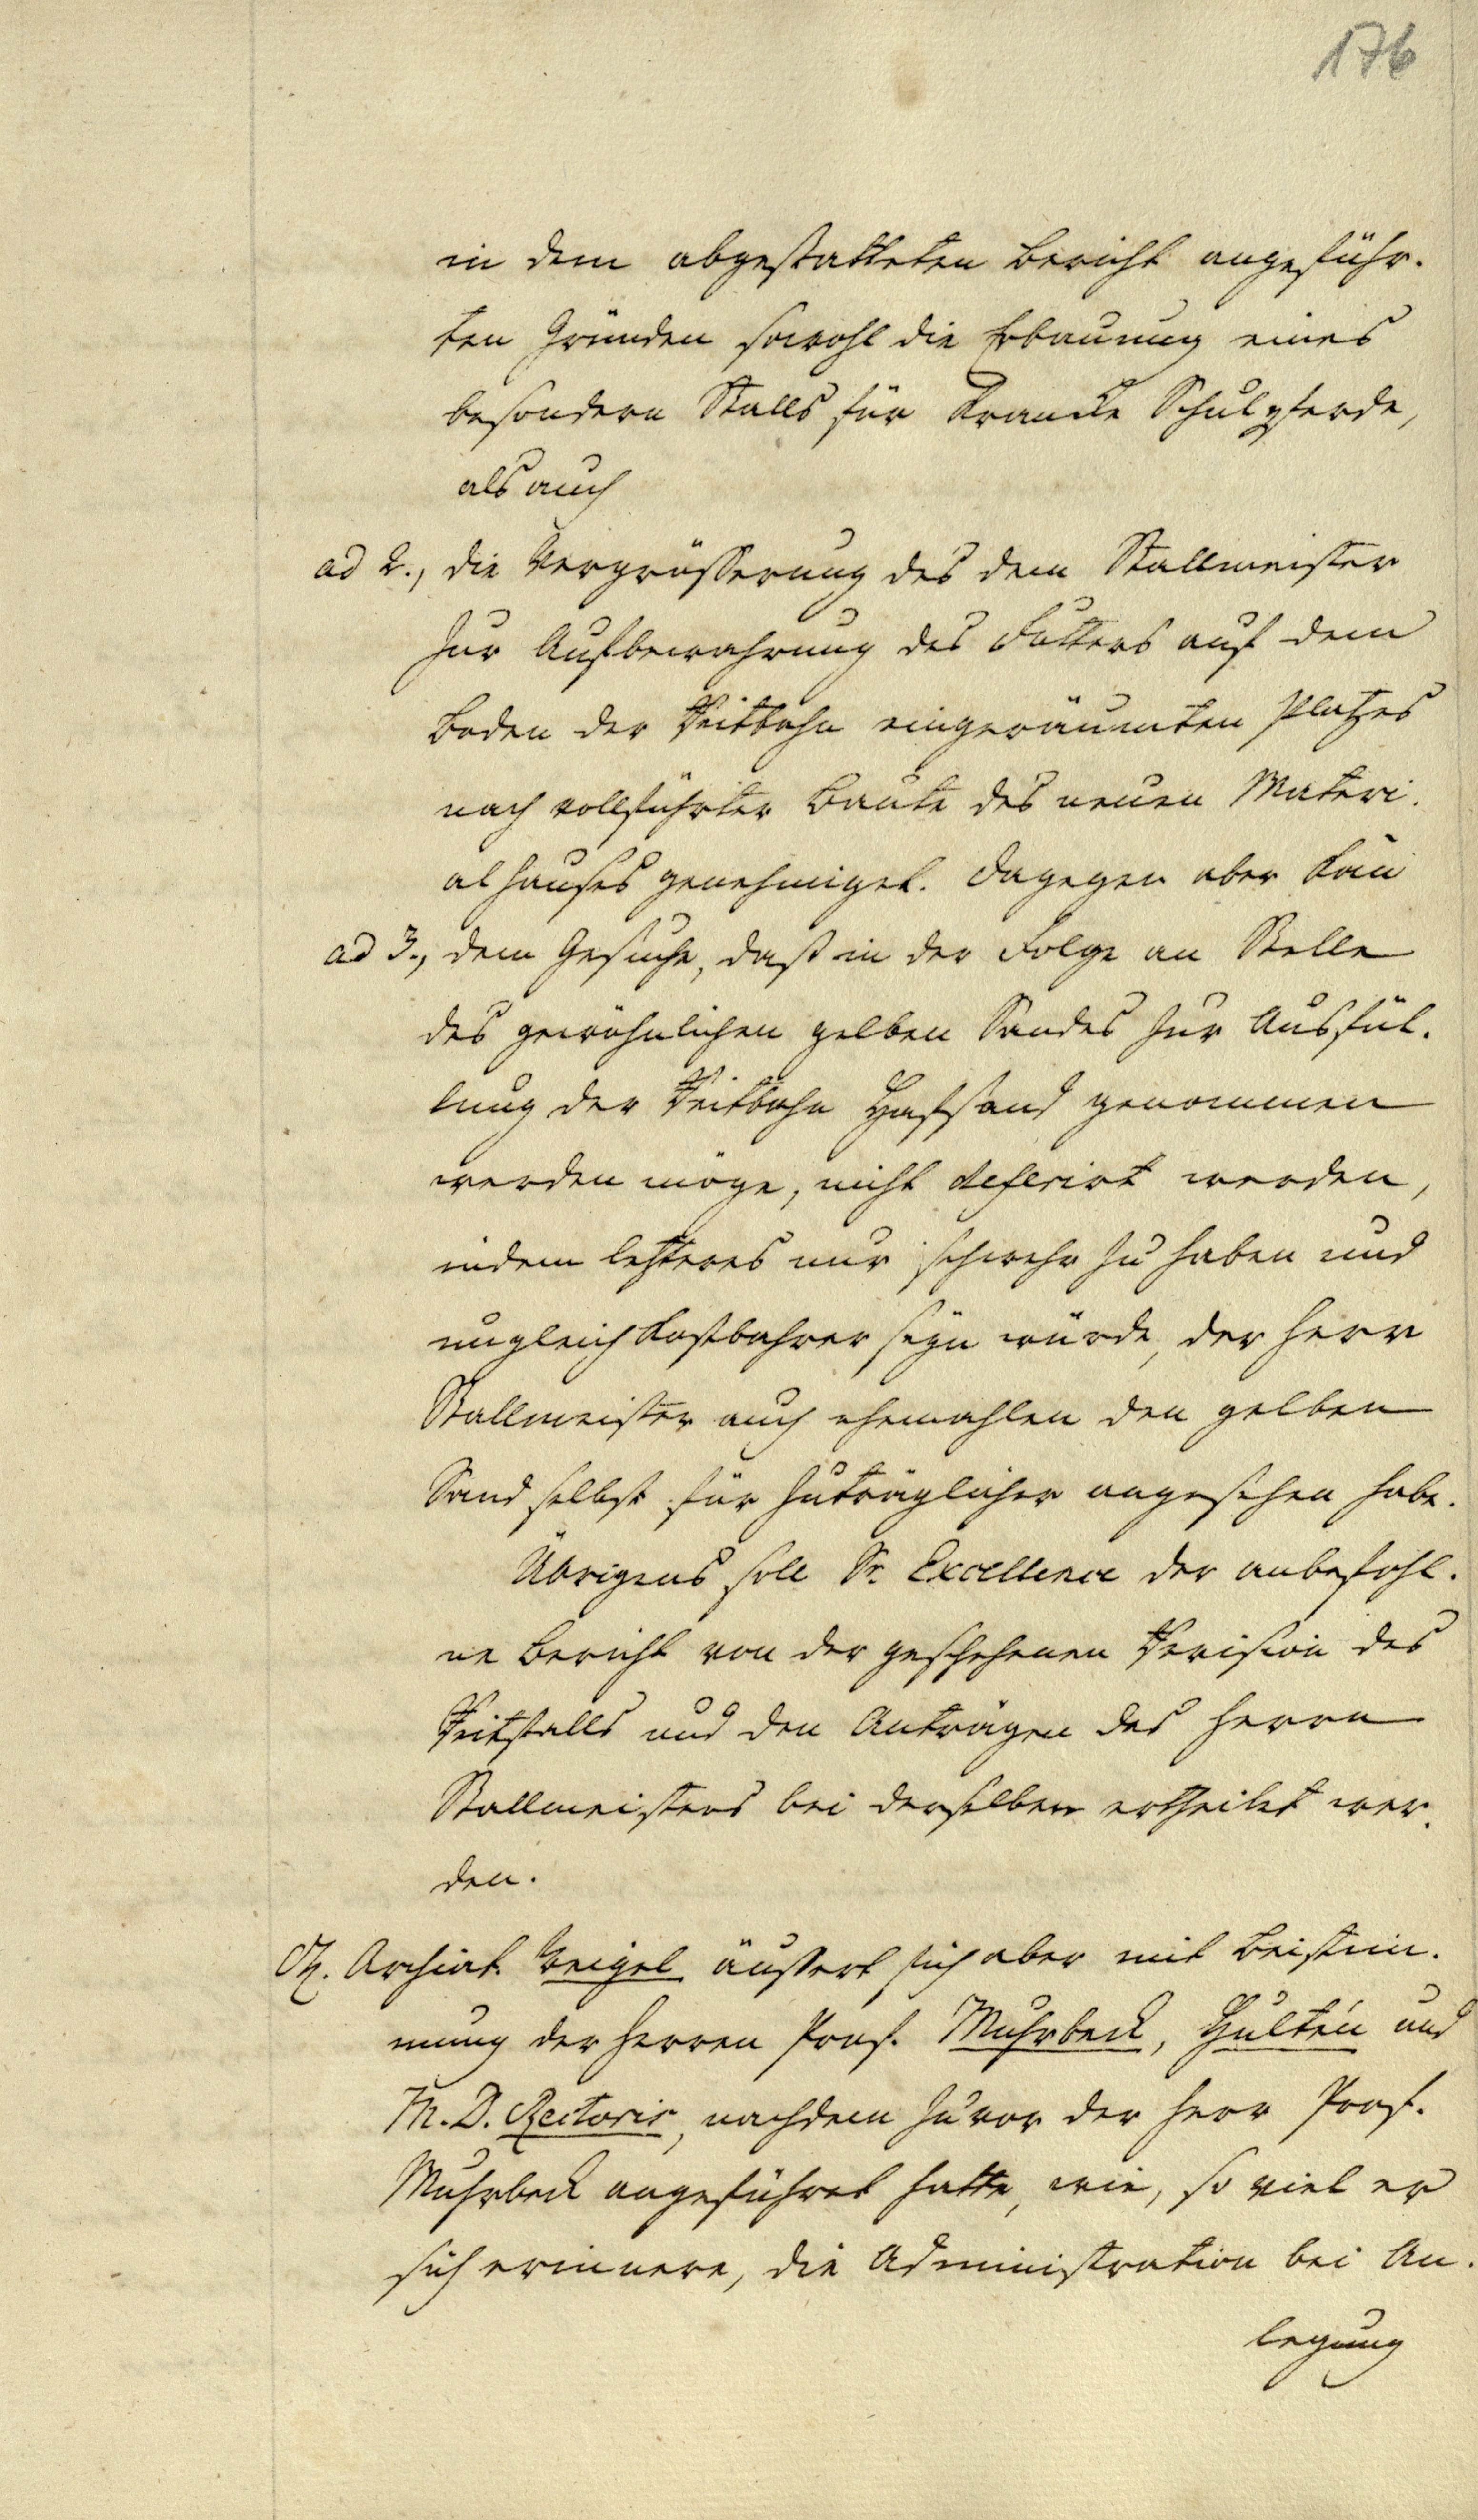in dem abgestatteten Bericht angeführ¬
ten Gründen sowohl die Erbauung eines
besondern Stalls für krancke Schulpferde,
als auch
ad 2., die Vergrösserung des dem Stallmeister
zur Aufbewahrung des Futters auf dem
Boden der Reitbahn eingeräumten Platzes
nach vollführter Baute des neuen Materi¬
alhauses genehmiget. Dagegen aber kan
ad 3., dem Gesuche, daß in der Folge an Stelle
des gewöhnlichen gelben Sandes zur Ausfül¬
lung der Reitbahn Hafsand genommen
werden möge, nicht deferirt werden,
indem letzteres nur schwehr zu haben und
ungleich kostbahrer seÿn würde, der Herr
Stallmeister auch ehemahlen den gelben
Sand selbst für zuträglicher angesehen habe.
Übrigens soll Sr Excellence der anbefohl¬
ne Bericht von der geschehenen Revision des
Reitstalls und den Anträgen des Herrn
Stallmeisters bei derselben ertheilet wer¬
den.
dh. Archiat. Weigel, äussert sich aber mit Beistim¬
nung der Herren Prof. Muhrbeck, Hultén und
M. D. Rectoris, nachdem zuvor der Herr Prof.
Muhrbeck angeführet hatte, wie, so viel er
sich erinnere, die Administration bei An
legung